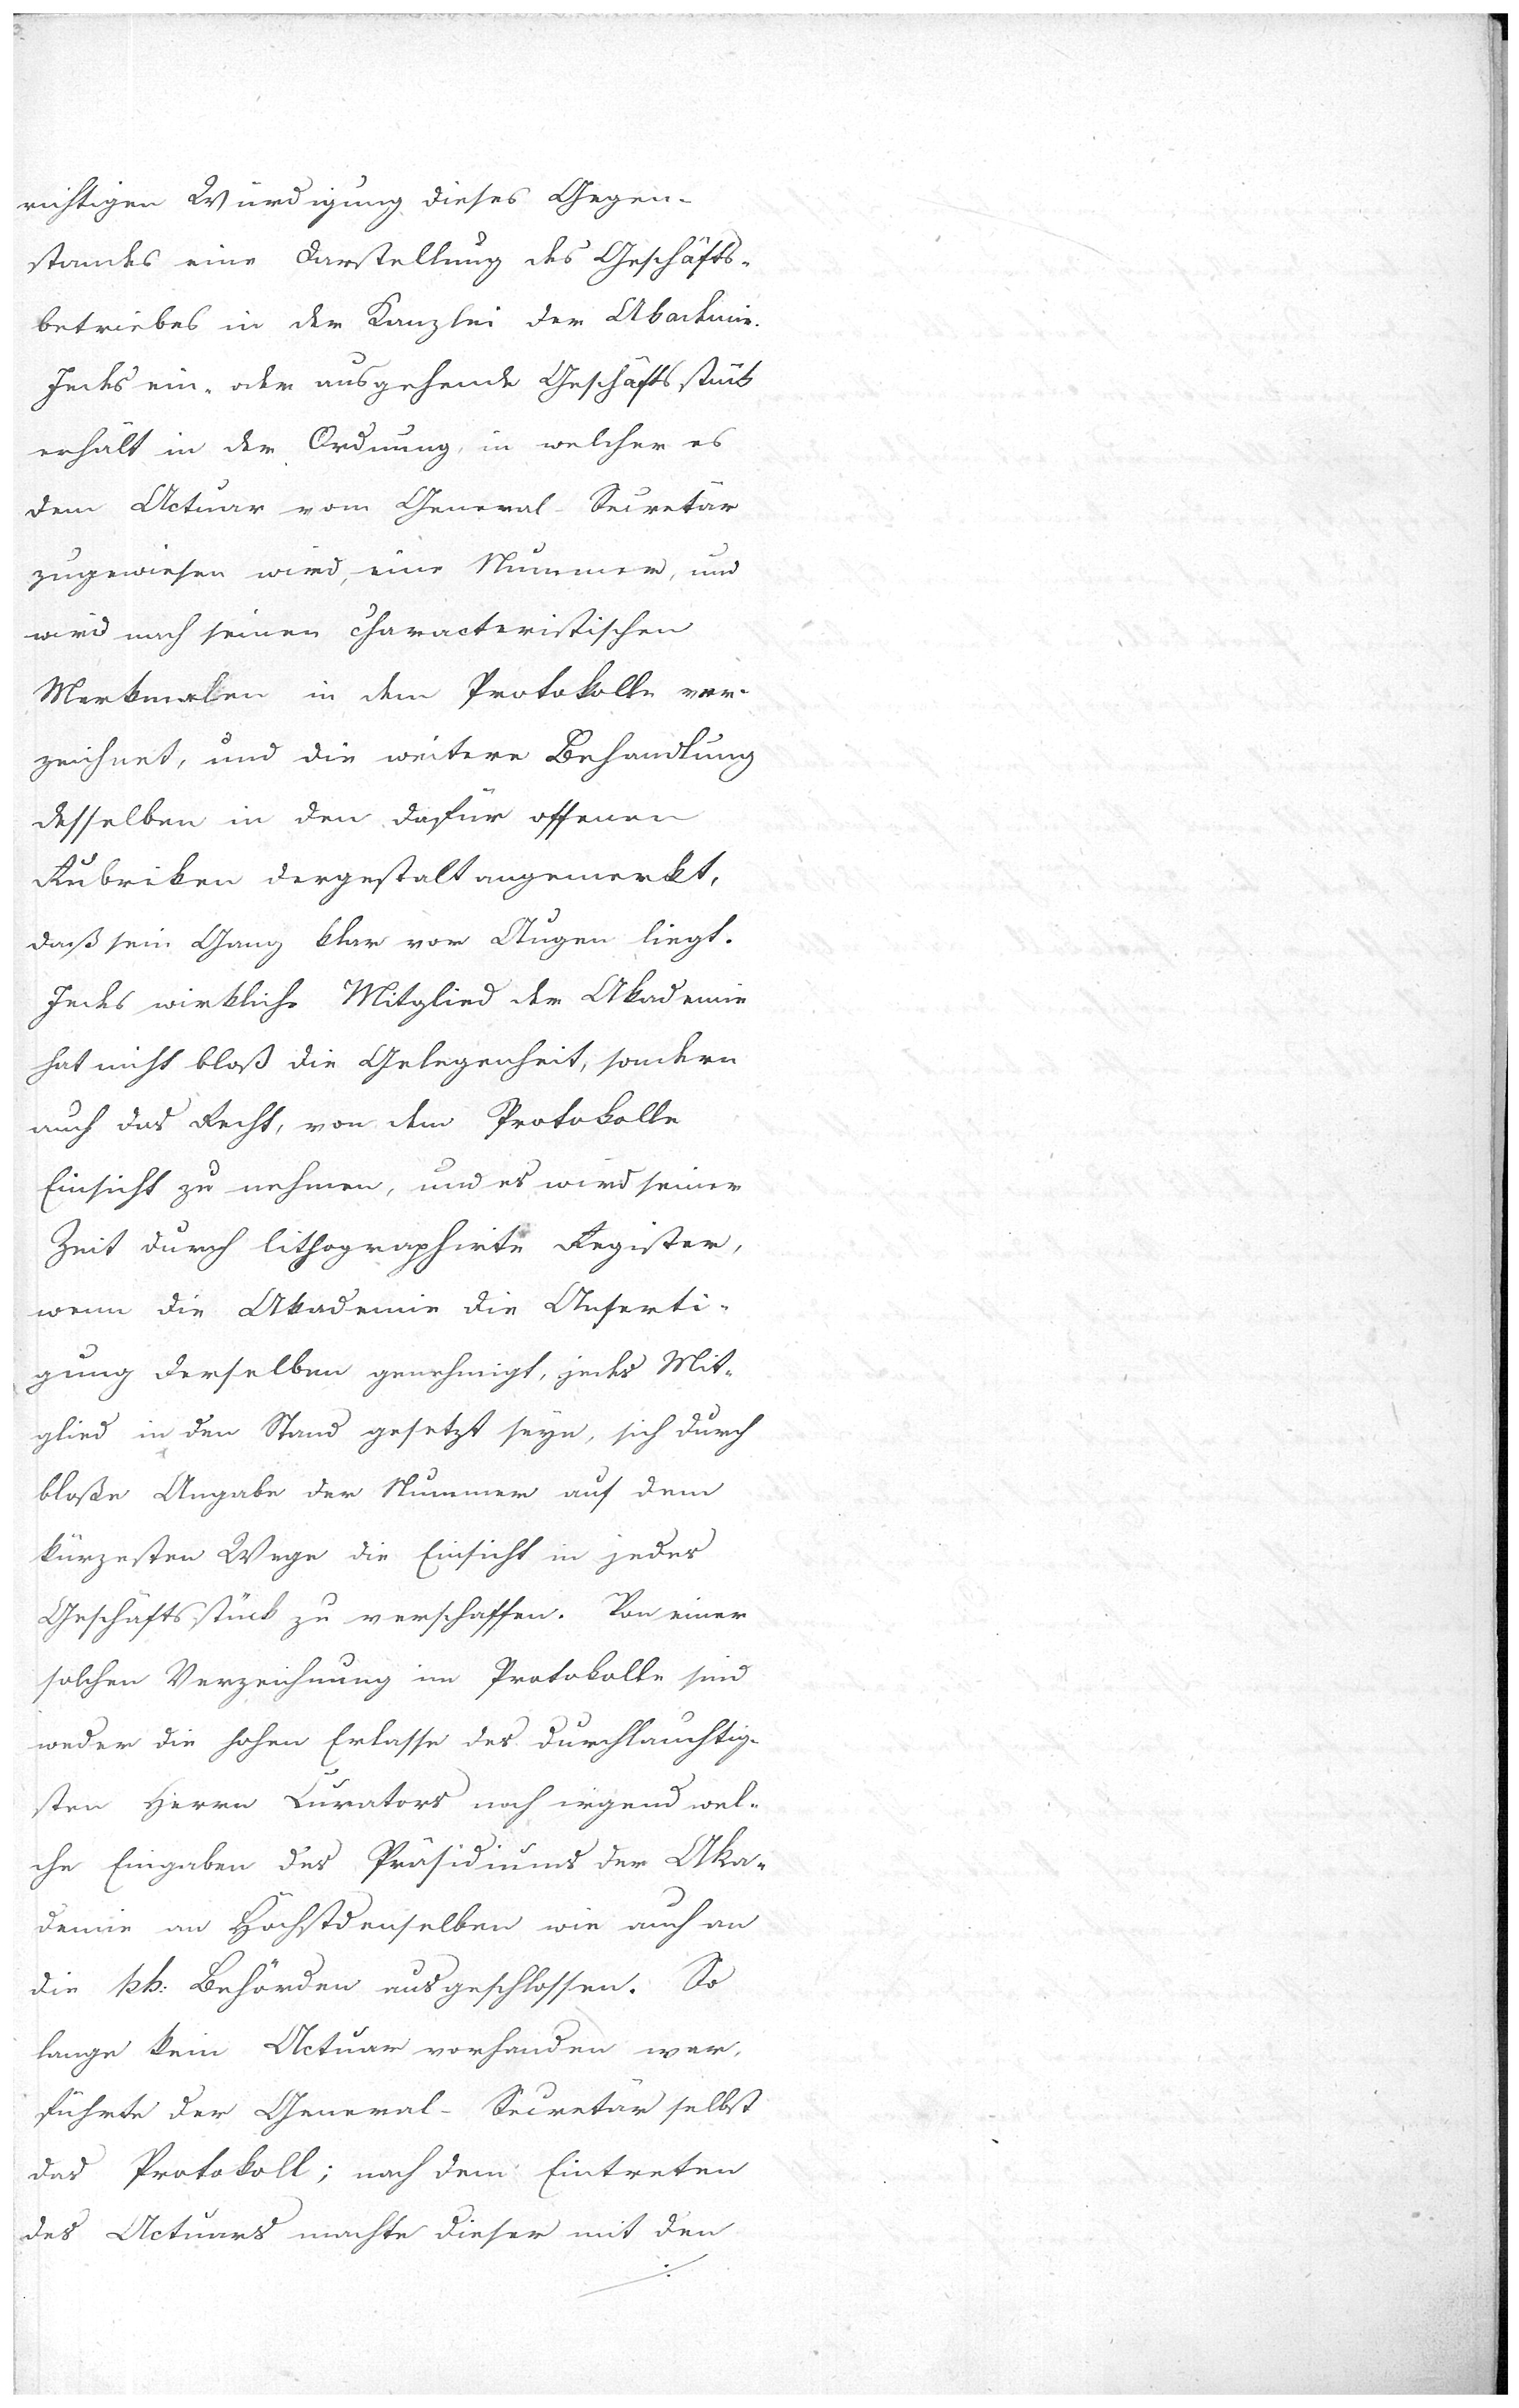richtigen Würdigung dieses Gegen-
stands eine Darstellung des Geschäfts-
betriebes in der Kanzlei der Akademie.
Jedes ein- oder ausgehende Geschäftsstück
erhält in der Ordnung, in welcher es
dem Actuar vom General-Secretär
zugewiesen wird, eine Nummer, und
wird auch seinen characteristischen
Merkmalen in dem Protokolle ver-
zeichnet, und die weitere Behandlung
desselben in dem dafür offenen
Rubriken dergestallt angemerkt,
daß sein Gang klar vor Augen liegt.
Jedes wirkliche Mitglied der Akademie
hat nicht bloß die Gelegenheit, sondern
auch das Recht, von dem Protokolle
Einsicht zu nehmen, und es wird seiner
Zeit durch lithographirte Register,
wenn die Akademie die Anferti-
gung derselben genehmigt, jedes Mit-
glied in den Stand gesetzt seyn, sich durch
bloße Angabe der Nummer auf dem
kürzesten Wege die Einsicht in jedes
Geschätsstück zu verschaffen. Von einer
solchen Verzeichnung im Protokolle sind
weder die hohen Erlasse des durchlauchtig-
sten Herrn Curator noch irgend wel-
che Eingaben des Präsidiums der Aka-
demie an Höchstdenselben wir auch an
die kk. Behörden ausgeschlossen. So
lange kein Actuar vorhanden war,
führte der General-Secretär selbst
das Protokoll; nach dem Eintreten
des Actuars machte dieser mit den